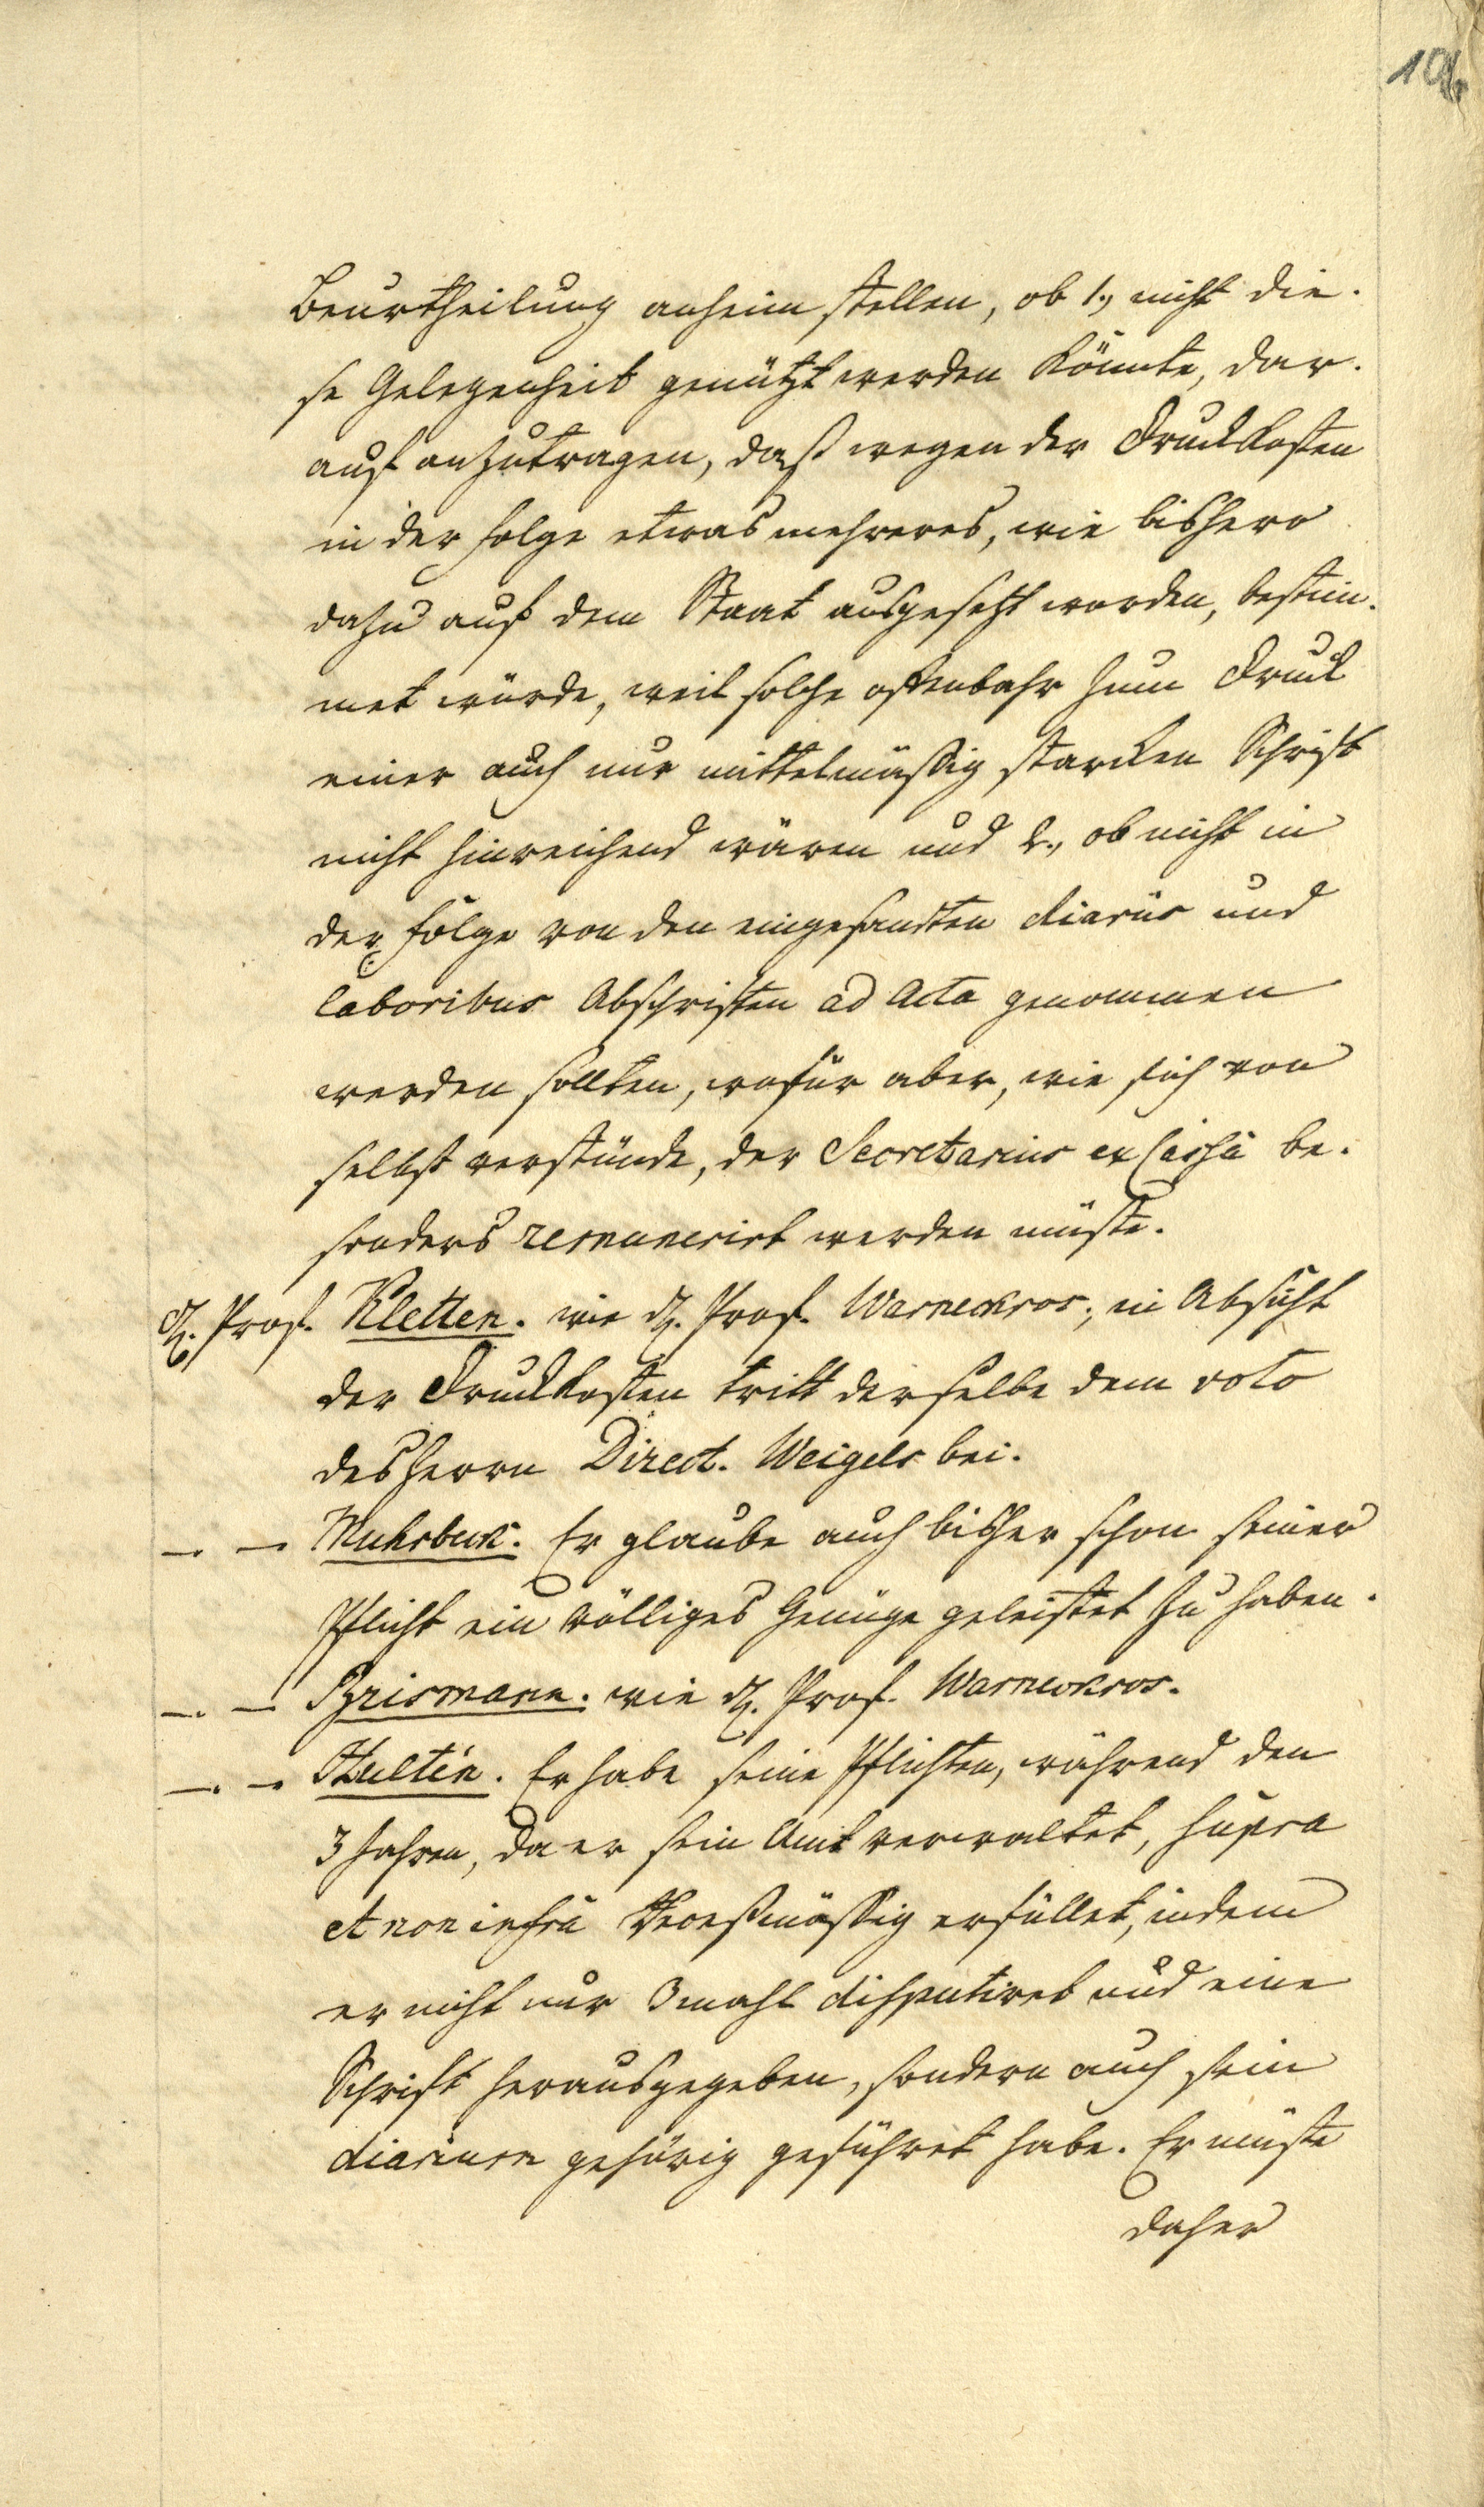Beurtheilung anheim stellen, ob 1., nicht die¬
se Gelegenheit genützt werden könnte dar¬
auf anzutragen, daß wegen der Druckkosten
in der Folge etwas mehreres, wie bishero
dazu auf dem Staat ausgesetzt worden, bestim¬
met würde, weil solche offenbahr zum Druck
einer auch nur mittelmäßig starcken Schrift
nicht hinreichend wären und 2., ob nicht in
der Folge von den eingesandten diariis und
laboribus Abschriften ad Acta genommen
werden sollten, wofür aber, wie sich von
selbst verstünde, der Secretarius ex Cassa be¬
sonders remunerirt werden müßte.
dh. Prof. Kletten. wie dh. Prof. Warneckros, in Absicht
der Druckkosten tritt derselbe dem voto
des Herrn Direct. Weigels bei.
Muhrbeck. Er glaube auch bisher schon seiner
Pflicht ein völliges Genüge geleistet zu haben.
Brismann. wie dh. Prof. Warneckros.
Hultén. Er habe seine Pflichten, während den
3 Jahren, da er sein Amt verwaltet, supra
et non infra Receßmässig erfüllet, indem
er nicht nur 3 mahl disputiret und eine
Schrift herausgegeben, sondern auch sein
diarium gehörig geführet habe. Er müßte
daher